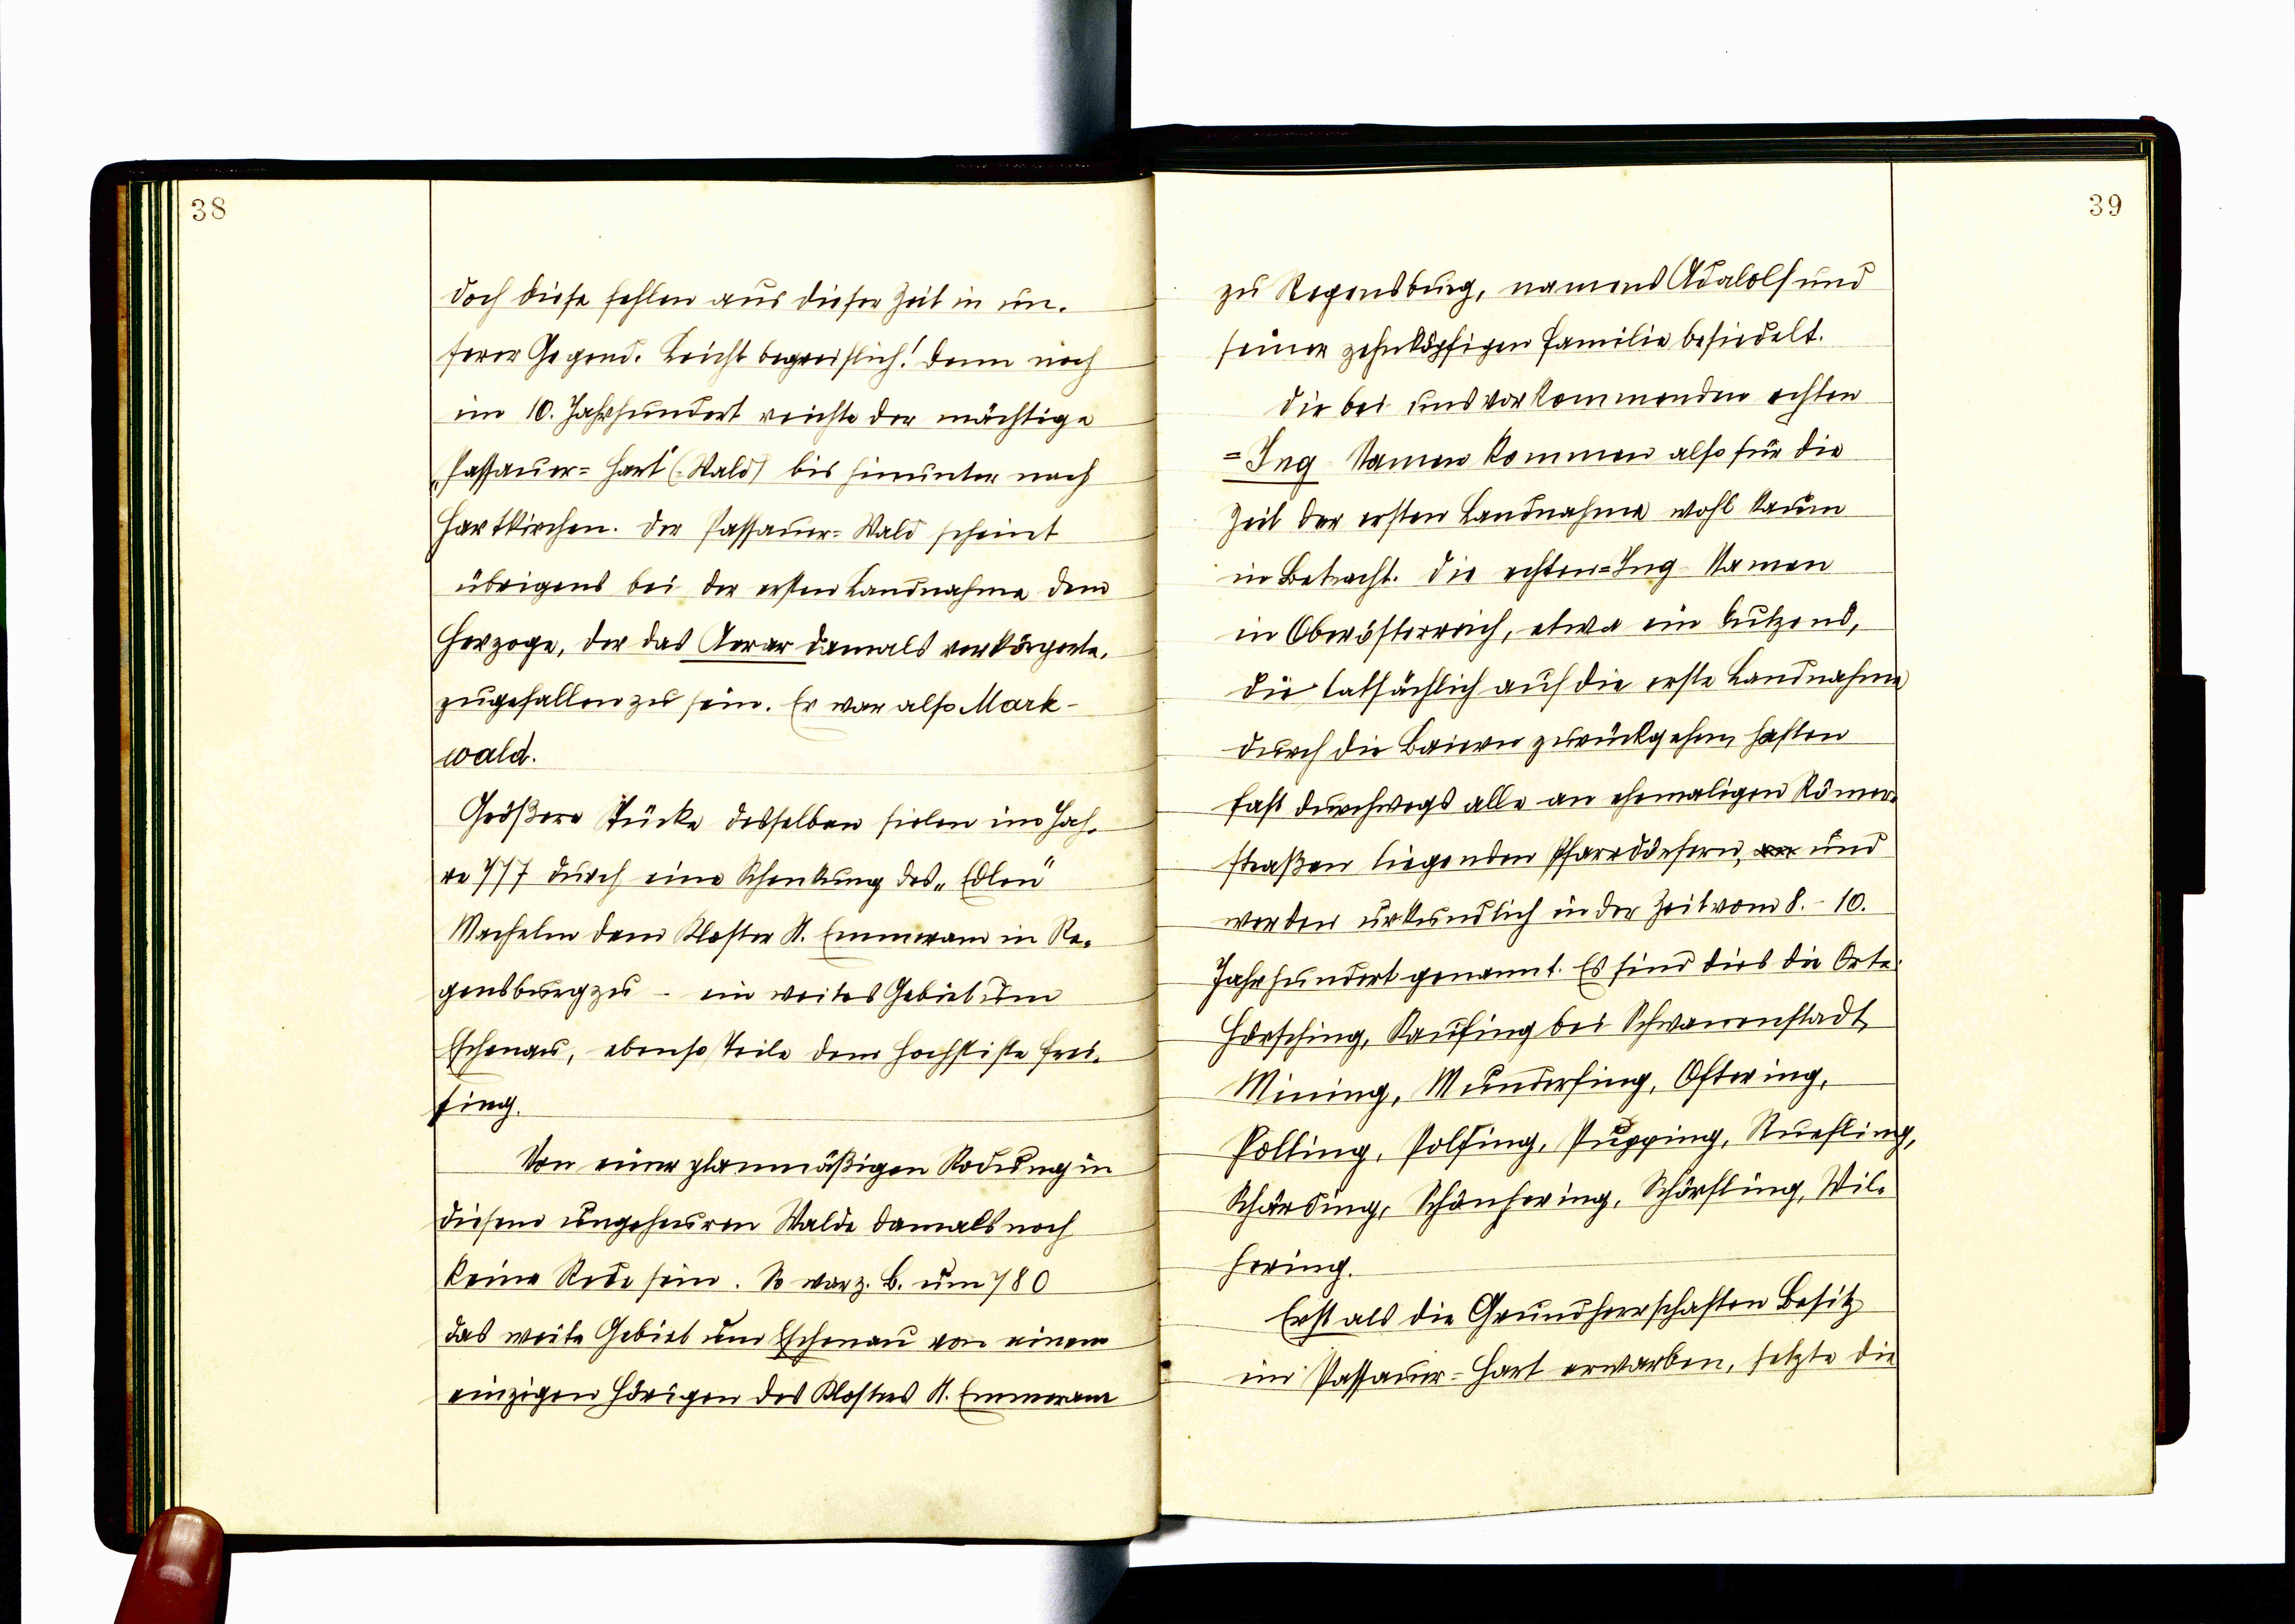doch diese fehlen aus dieser Zeit in un-
serer Gegend. Leicht begreiflich! Denn noch
im 10. Jahrhundert reichte der mächtige
„Passauer-Hart“ (=Wald) bis hinunter nach
Hartkirchen. Der Passauer-Wald scheint
übrigens bei der ersten Landesnahme dem
Herzoge, der das Aerar damals verkörperte,
zugefallen zu sein. Er war also Mark-
wald.
Größere Stücke desselben fielen im Jah-
re 777 durch eine Schenkung des „Edlen“
Machelm dem Kloster St. Emmeram in Re-
gensburg zu – ein weites Gebiet um
Eschenau, ebenso Teile dem Hochstifte Frei-
sing.
Von einer planmäßigen Rodung in
diesem ungeheuren Walde damals noch
keine Rede sein. So war z.B. um 780
das weite Gebiet um Eschenau von einem
einzigen hörigen des Klosters St. Emmeram
zu Regensburg, namens Adalolf und
seiner zehnköpfigen Familie besiedelt.
Die bei uns vorkommenden echten
–Ing Namen kommen also für die
Zeit der ersten Landnahme wohl kaum
in Betracht. Die echten –Ing Namen
in Oberösterreich, etwa ein Dutzend,
die tatsächlich auf die erste Landnahme
durch die Baiern zurückgehen, haften
fast durchwegs alle an ehemaligen Römer-
straßen liegenden Pfarrdörfern, und
werden urkundlich in der Zeit vom 8. – 10.
Jahrhundert genannt. Es sind dies die Orte
Hörsching, Kaufing bei Schwanenstadt,
Mining, Munderfing, Oftering,
Polling, Polfing, Pupping, Ruefling,
Schärding, Schönhering, Schörfling, Wil-
hering.
Erst als die Grundherrschaften Besitz
im Passauer-Hart erwarben, setzte die